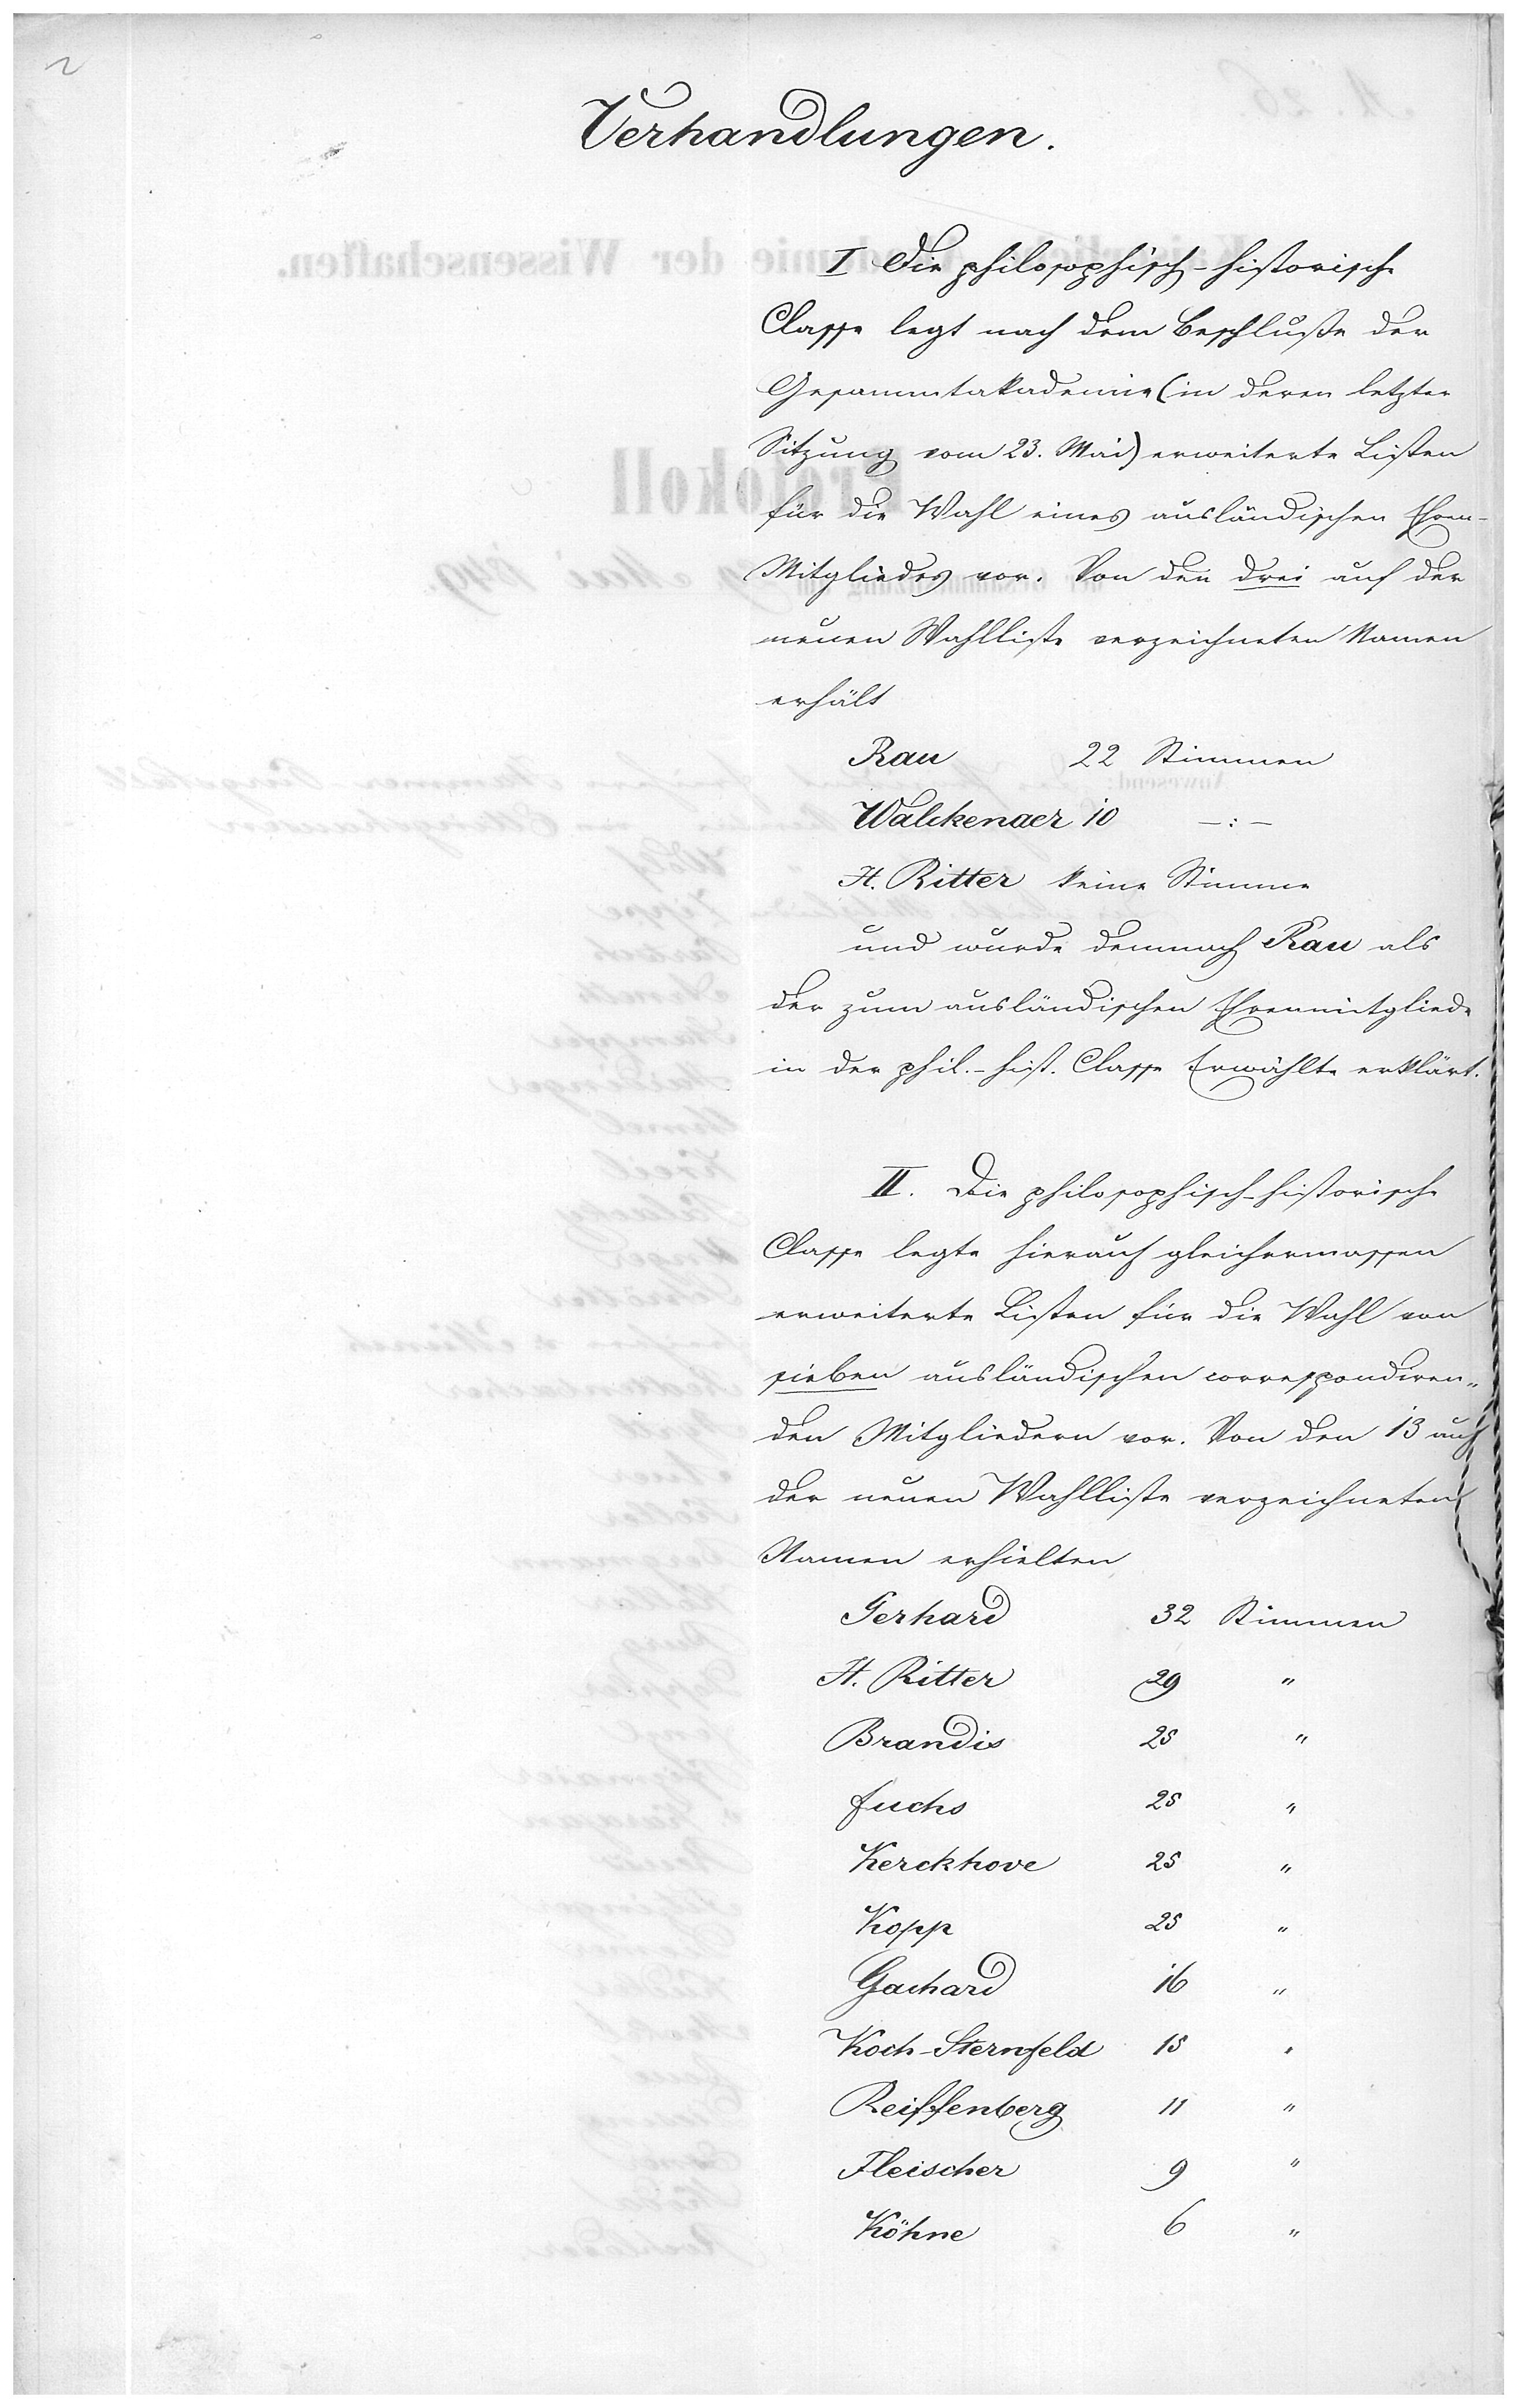Verhandlungen.
I. Die philosophisch-historische
Classe legt nach dem Beschluße der
Gesammtakademie (in deren letzter
Sitzung von 23. Mai) erweiterte Listen
für die Wahl eines ausländischen Ehren-
Mitgliedes vor. Von den drei auf der
neuen Wahlliste verzeichneten Namen
erhält
Rau 22 Stimmen
Walkenaer 10 -:-
H. Ritter keine Stimme
und wurde demnach Rau als
der zum ausländischen Ehrenmitglieder
in der phil.-hist. Classe Erwählte erklärt.
II. Die philosophisch-historische
Classe legte hierauf gleichermassen
erweiterte Listen für die Wahl von
sieben ausländischen correspondiren-
den Mitgliedern vor. Von den 13 auf
der neuen Wahlliste verzeichneten
Namen erhielten
Gerhard 32 Stimmen
H. Ritter 29 "
Brandis 25 "
Fuchs 25 "
Kerckhove 25 "
Kopp 25 "
Gachard 16 "
Koch-Sternfeld 15 "
Reiffenberg 11 "
Fleischer 9 "
Köhne 6 "